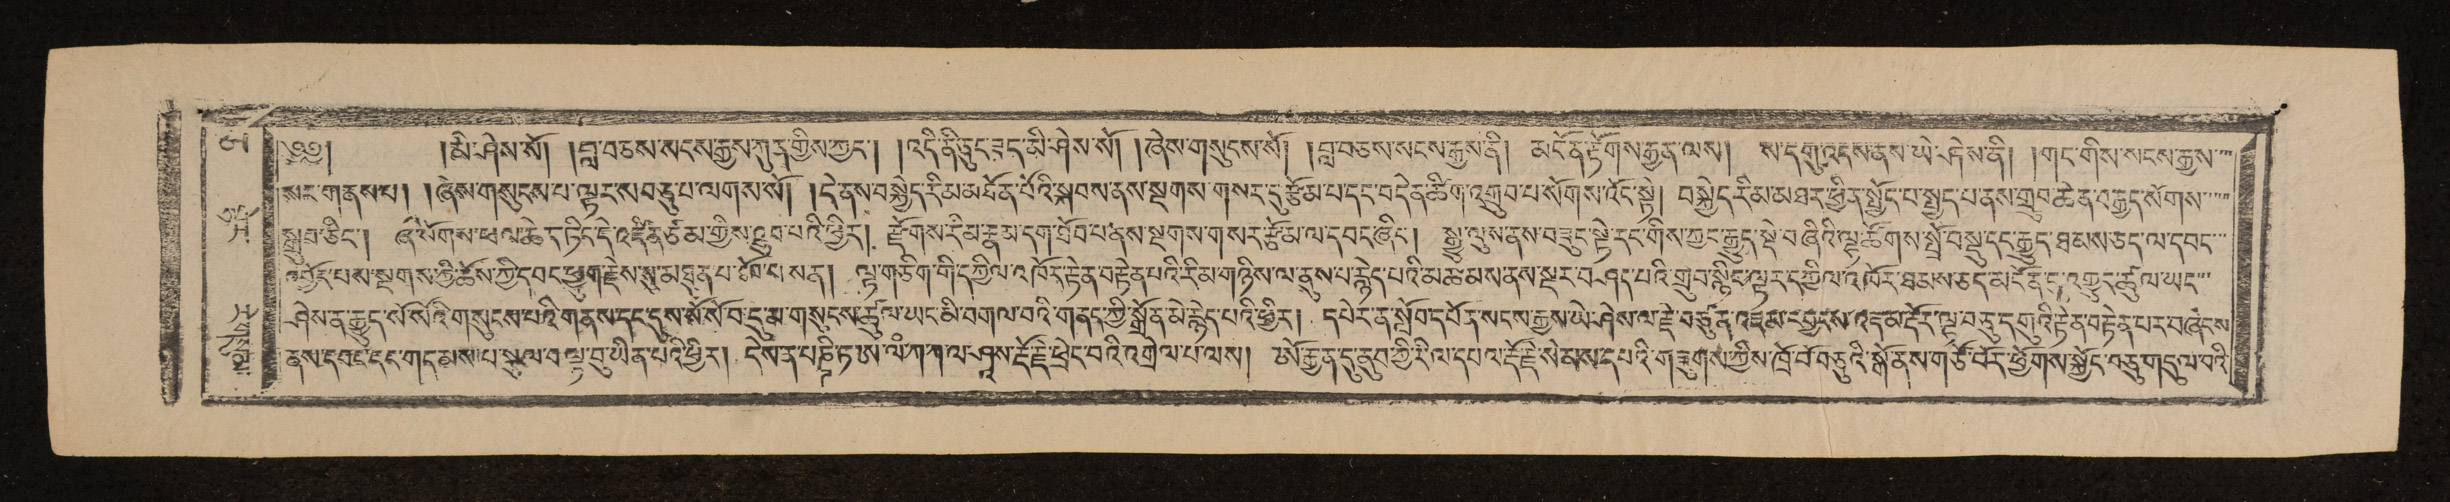༄༅། །མི་ཤེས་སོ། །བླ་བཅས་སངས་རྒྱས་ཀུན་གྱིས་ཀྱང་། །འདི་ནི་ཅུང་ཟད་མི་ཤེས་སོ། །ཞེས་གསུངས་སོ། །བླ་བཅས་སངས་རྒྱས་ནི། མངོན་རྟོགས་རྒྱན་ལས། ས་དགུ་འདས་ནས་ཡེ་ཤེས་ནི། །གང་གིས་སངས་རྒྱས་
སར་གནས་པ། །ཞེས་གསུངས་པ་ལྟར་ས་བཅུ་པ་ལགས་སོ། །དེ་ནས་བསྐྱེད་རིམ་མཐོན་པོའི་སྐབས་ནས་སྔགས་གསང་དུ་རྩོམ་བ་དང་བདེན་ཚིག་འགྲུབ་པ་སོགས་འོང་སྟེ། བསྐྱེད་རིམ་མཐར་ཕྱིན་སྤྱོད་པ་སྤྱད་པ་ནས་གྲུབ་ཆེན་བརྒྱད་སོགས་
སྒྲུབ་ཅིང་། ཞི་སོགས་ཕལ་ཆེར་ཏིང་ངེ་འཛིན་ཙམ་གྱིས་ཐུབ་པའི་ཕྱིར། རྫོགས་རིམ་རྣམ་དག་ཐོབ་པ་ནས་སྔགས་གསར་རྩོམ་ལ་དབང་ཞིང་། སྒྱུ་ལུས་ནས་བཟུང་སྟེ་རང་གིས་ཀྱང་རྒྱུད་སྡེ་བཞིའི་ལྷ་ཚོགས་སྤྲོ་བསྡུ་དང་རྒྱུད་ཐམས་ཅད་ལ་དབང་
འབྱོར་པས་སྔགས་ཀྱི་ཆོས་ཀྱི་དབང་ཕྱུག་རྗེས་སུ་མཐུན་པ་ཐོབ་པས་ན། ལྷ་གཅིག་གི་དཀྱིལ་འཁོར་རྟེན་བརྟེན་པའི་རིམ་གཉིས་ལ་ནུས་པ་རྙེད་པའི་མཚམས་ནས་སྔར་བཤད་པའི་གྲུབ་སྙིང་ལྟར་དཀྱིལ་འཁོར་ཐམས་ཅད་མངོན་དུ་འགྱུར་ཚུལ་ཡང་
ཤེས་ན་རྒྱུད་སོ་སོའི་གསུངས་པའི་གནས་དང་དུས་སོ་སོ་བ་དུ་མ་གསུངས་ཚུལ་ཡང་མི་འགལ་བའི་གནད་ཀྱི་སྒྲོན་མེ་རྙེད་པའི་ཕྱིར། དཔེར་ན་སློབ་དཔོན་སངས་རྒྱས་ཡེ་ཤེས་ལ་རྗེ་བཙུན་འཇམ་དབྱངས་འཇམ་རྡོར་ལྷ་བཅུ་དགུའི་རྟེན་བརྟེན་པར་བཞེངས་
ནས་དབང་དང་གདམས་པ་སྩལ་བ་ལྟ་བུ་ཡིན་པའི་ཕྱིར། དེས་ན་པཎྜི་ཏ་ཨ་ལཾ་ཀ་ཀ་ལ་ཤཱས་རྡོ་རྗེ་ཕྲེང་བའི་འགྲེལ་པ་ལས། ཨོ་རྒྱན་དུ་ནུབ་ཀྱི་རི་ལ་དཔལ་རྡོ་རྗེ་སེམས་དཔའི་གཟུགས་ཀྱིས་ཁྲོ་བོ་བཅུའི་སྒོ་ནས་གཙོ་བོར་ཕྱོགས་སྐྱོང་བཅུ་གདུལ་བའི་